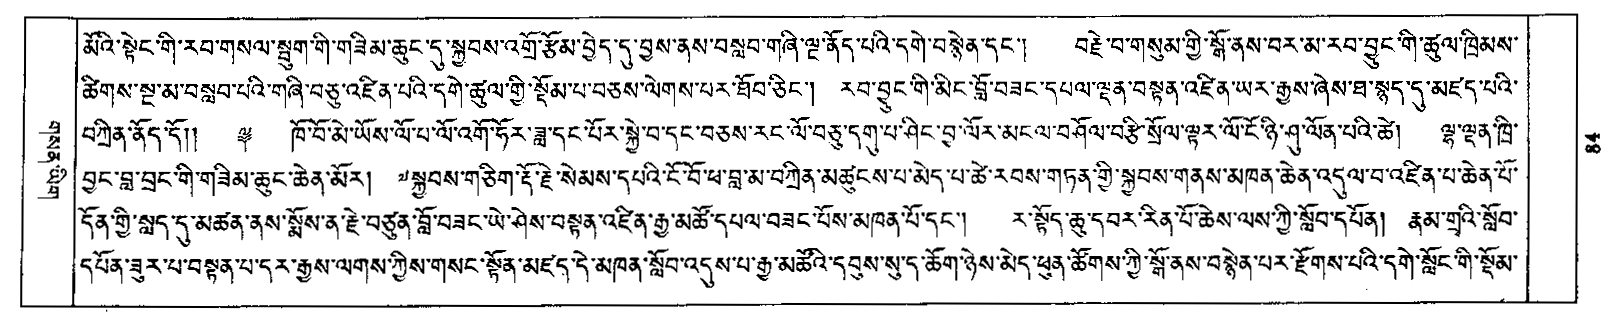མོའི་སྟེང་གི་རབ་གསལ་སྦུག་གི་གཟིམ་ཆུང་དུ་སྐྱབས་འགྲོ་རྩོམ་བྱེད་དུ་བྱས་ནས་བསླབ་གཞི་ལྔ་ནོད་པའི་དགེ་བསྙེན་དང་། བརྗེ་བ་གསུམ་གྱི་སྒོ་ནས་བར་མ་རབ་བྱུང་གི་ཚུལ་ཁྲིམས་
ཚིགས་སྔ་མ་བསླབ་པའི་གཞི་བཅུ་འཛིན་པའི་དགེ་ཚུལ་གྱི་སྡོམ་པ་བཅས་ལེགས་པར་ཐོབ་ཅིང་། རབ་བྱུང་གི་མིང་བློ་བཟང་དཔལ་ལྡན་བསྟན་འཛིན་ཡར་རྒྱས་ཞེས་ཐ་སྙད་དུ་མཛད་པའི་
བཀྲིན་ནོད་དོ།། ༈ ཁོ་བོ་མེ་ཡོས་ལོ་པ་ལོ་འོག་ཧོར་ཟླ་དང་པོར་སྐྱེ་བ་དང་བཅས་རང་ལོ་བཅུ་དགུ་པ་ཤིང་བྱ་ལོར་མངལ་བཤོལ་བརྩི་སྲོལ་ལྟར་ལོ་ངོ་ཉི་ཤུ་ལོན་པའི་ཚེ། ལྷ་ལྡན་ཁྲི་
བྱང་བླ་བྲང་གི་གཟིམ་ཆུང་ཆེན་མོར། ༧་སྐྱབས་གཅིག་རྡོ་རྗེ་སེམས་དཔའི་ངོ་བོ་ཕ་བླ་མ་བཀྲིན་མཚུངས་པ་མེད་པ་ཚེ་རབས་གཏན་གྱི་སྐྱབས་གནས་མཁན་ཆེན་འདུལ་བ་འཛིན་པ་ཆེན་པོ་
དོན་གྱི་སླད་དུ་མཚན་ནས་སྨོས་ན་རྗེ་བཙུན་བློ་བཟང་ཡེ་ཤེས་བསྟན་འཛིན་རྒྱ་མཚོ་དཔལ་བཟང་པོས་མཁན་པོ་དང་། ར་སྟོད་ཆུ་དབར་རིན་པོ་ཆེས་ལས་ཀྱི་སློབ་དཔོན། རྣམ་གྲྭའི་སློབ་
དཔོན་ཟུར་པ་བསྟན་པ་དར་རྒྱས་ལགས་ཀྱིས་གསང་སྟོན་མཛད་དེ་མཁན་སློབ་འདུས་པ་རྒྱ་མཚོའི་དབུས་སུ་ད་ཆོག་ཉེས་མེད་ཕུན་ཚོགས་ཀྱི་སྒོ་ནས་བསྙེན་པར་རྫོགས་པའི་དགེ་སློང་གི་སྡོམ་